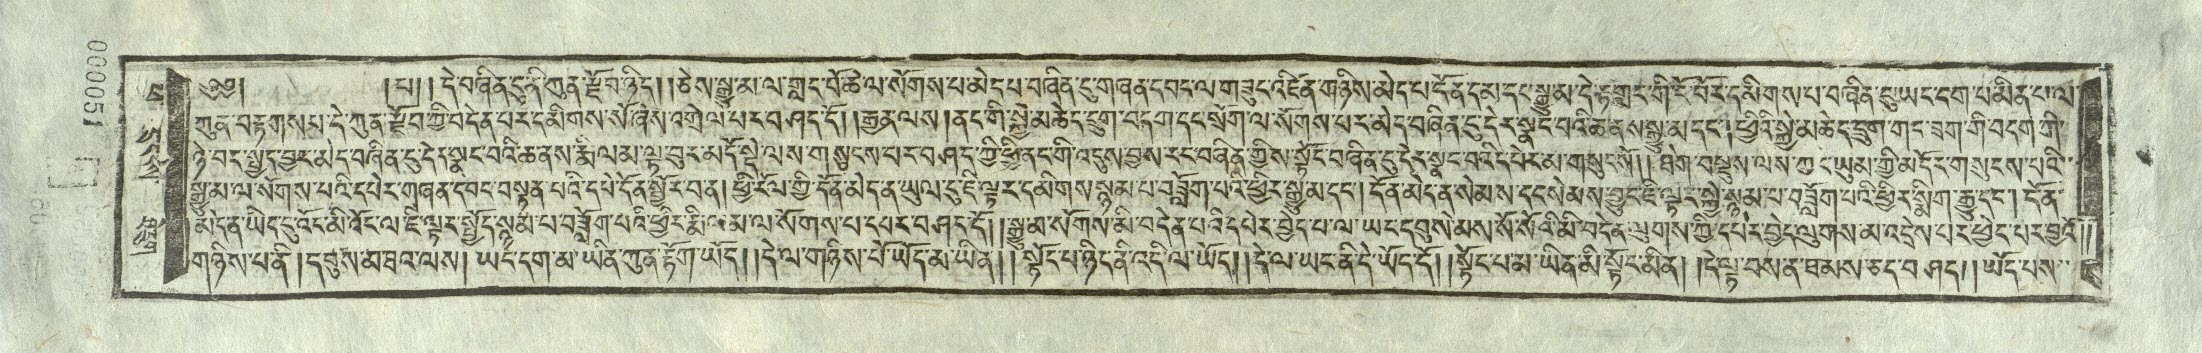༄༅། །པ། །དེ་བཞིན་དུ་ནི་ཀུན་རྫོབ་ཉིད། །ཅེས་སྒྱུ་མ་ལ་གླང་པོ་ཆེ་ལ་སོགས་པ་མེད་པ་བཞིན་དུ་གཞན་དབང་ལ་གཟུང་འཛིན་གཉིས་མེད་པ་དོན་དམ་དང་སྒྱུ་མ་དེ་རྟ་གླང་གི་ངོ་བོར་དམིགས་པ་བཞིན་དུ་ཡང་དག་པ་མིན་པ་ལ་
ཀུན་བརྟགས་པ་དེ་ཀུན་རྫོབ་ཀྱི་བདེན་པར་དམིགས་སོ་ཞེས་འགྲེལ་པར་བཤད་དོ། །རྒྱན་ལས། ནང་གི་སྐྱེ་མཆེད་དྲུག་བདག་དང་སྲོག་ལ་སོགས་པར་མེད་བཞིན་དུ་དེར་སྣང་བའི་ཆ་ནས་སྒྱུ་མ་དང་། །ཕྱིའི་སྐྱེ་མཆེད་དྲུག་གང་ཟག་གི་བདག་གི་
ཉེ་བར་སྤྱད་བྱར་མེད་བཞིན་དུ་དེར་སྣང་བའི་ཆ་ནས་རྨི་ལམ་ལྟ་བུར་མདོ་སྡེ་ལས་གསུངས་པར་བཤད་ཀྱི་ཕྱི་ནང་གི་འདུས་བྱས་རང་བཞིན་གྱིས་སྟོང་བཞིན་དུ་དེར་སྣང་བའི་དཔེར་མ་གསུངས་སོ། །ཐེག་བསྡུས་ལས་ཀྱང་ཡུམ་གྱི་མདོར་གསུངས་པའི་
སྒྱུ་མ་ལ་སོགས་པའི་དཔེར་གཞན་དབང་བསྟན་པའི་དཔེ་དོན་སྦྱོར་བ་ན། ཕྱི་རོལ་གྱི་དོན་མེད་ན་ཡུལ་དུ་ཇི་ལྟར་དམིགས་སྙམ་པ་བཟློག་པའི་ཕྱིར་སྒྱུ་མ་དང་། དོན་མེད་ན་སེམས་དང་སེམས་བྱུང་ཇི་ལྟར་སྐྱེ་སྙམ་པ་བཟློག་པའི་ཕྱིར་སྨིག་རྒྱུ་དང་། དོན་
མེད་ན་ཡིད་དུ་འོང་མི་འོང་ལ་ཇི་ལྟར་སྤྱོད་སྙམ་པ་བཟློག་པའི་ཕྱིར་རྨི་ལམ་ལ་སོགས་པ་དཔེར་བཤད་དོ། །སྒྱུ་མ་སོགས་མི་བདེན་པའི་དཔེར་བྱེད་པ་ལ་ཡང་དབུ་སེམས་སོ་སོའི་མི་བདེན་ལུགས་ཀྱི་དཔེར་བྱེད་ལུགས་མ་འདྲེས་པར་ཕྱེད་པར་བྱའོ༑ ༑
གཉིས་པ་ནི། དབུས་མཐའ་ལས། ཡང་དག་མ་ཡིན་ཀུན་རྟོག་ཡོད། །དེ་ལ་གཉིས་པོ་ཡོད་མ་ཡིན། །སྟོང་བ་ཉིད་ནི་འདི་ལ་ཡོད། །དེ་ལ་ཡང་ནི་དེ་ཡོད་དོ། །སྟོང་པ་མ་ཡིན་མི་སྟོང་མིན། །དེ་ལྟ་བས་ན་ཐམས་ཅད་བཤད། །ཡོད་པས་